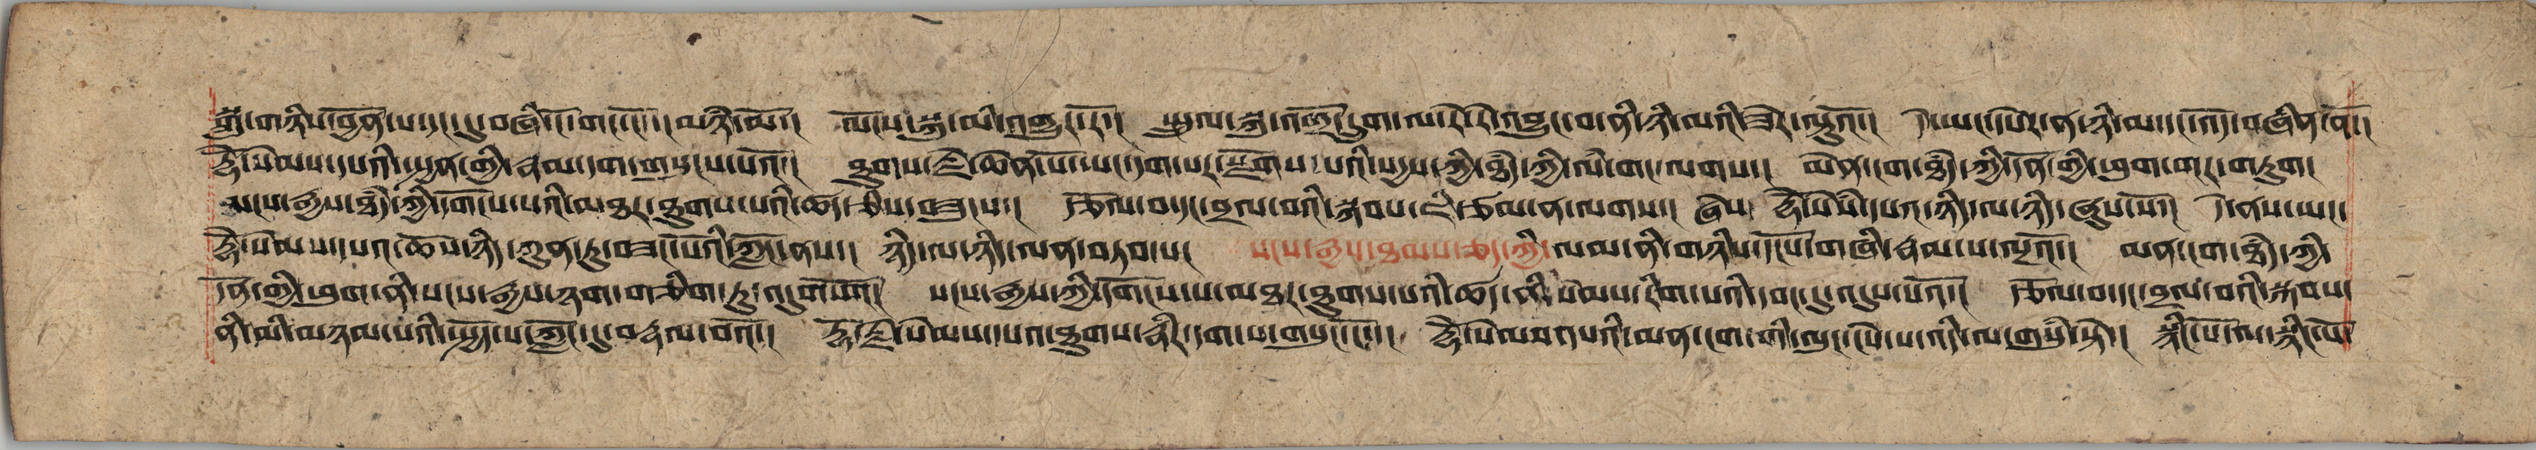སྐུ་གཉིས་བྱོན་པ་དང་དུ་བཞི་ངོ་གང་ངོ་ངམཉཾ་མོ་། ལོངས་སྐུ་མི་འགྱུར་རོ་། སྤྲུལ་སྐུ་འགྲོ་དྲུག་ལ་རེ་རེ་འབྱུང་བ་ནི་ཉི་མའི་ཟེར་ལྟུའོ་། དེ་ཡང་དཔེར་ན་ཉི་མ་དང་འོད་བཞིན་ནོ་།
རྡོེ་སེམས་དཔའི་སྤྱན་གྱི་རྣམ་དག་གསུངས་པའོ་། ཐུགས་རྗེ་ཆེན་པོ་ཡང་དག་པར་སྫོགས་པའི་སདྱས་ཀྱི་ཐཾད་ཀྱི་ལཾ་གང་ལགས་། མེན་ངག་ཐཾད་ཀྱི་དོན་གྱི་ཕུག་གར་གཏུག།
སངས་རྒྱས་ཐཾད་ཀྱི་དགོངས་པའི་མཐར་ཐུགས་པའི་ཚད་ཅེས་བཟུངས་། རྩོལ་བ་དང་བྲལ་བའི་སྐབས་ཇི་ཙམ་ན་ལགས་། ཞེས་རྡོེ་སེཾས་དཔའ་་ཉིད་ལ་ཉིད་ཞུས་སོ་། དེ་ནས་ཡང་
རྡོེ་སེམས་དཔའ་ཆོས་ཉིད་ཀུན་ཏུ་བཟང་པོའི་ཀློང་ནས་། ཉིད་ལ་ཉིད་ལན་བཏབ་པ། སངས་རྒྱས་ཐམས་ཅད་ཀྱི་ལམ་ནི་གཉིས་དངོས་གཞི་རྣམ་པ་ལྔའོ་། མན་ངག་ཐཾད་ཀྱི་
དོན་གྱི་ཕུག་ནི་སངས་རྒྱས་ཉག་གཅིག་ཏུ་འདུས་པའོ་། སངས་རྒྱས་ཀྱི་དགོངས་པ་མཐར་ཐུགས་པའི་ཚད་ནི་སེམས་རིག་པའི་དབང་དུ་འདུས་པའོ་། རྩོལ་བ་དང་བྲལ་བའི་སྐབས་
ནི་མི་མཉམ་པའི་སྤྱོད་པ་ཀློང་དུ་བརྡལ་བའོ་། རྡོ་རྗེ་སེམས་དཔའ་ཐུགས་རྣཾར་དག་པ་གསུང་ངོ་་། རྡོེ་སེམས་དཔའི་མན་ངག་གི་ལུང་ངེས་པ་འདི་ལ་གསུཾ་སྟེ་། སྙིང་པོ་ལསྙིང་པོ་